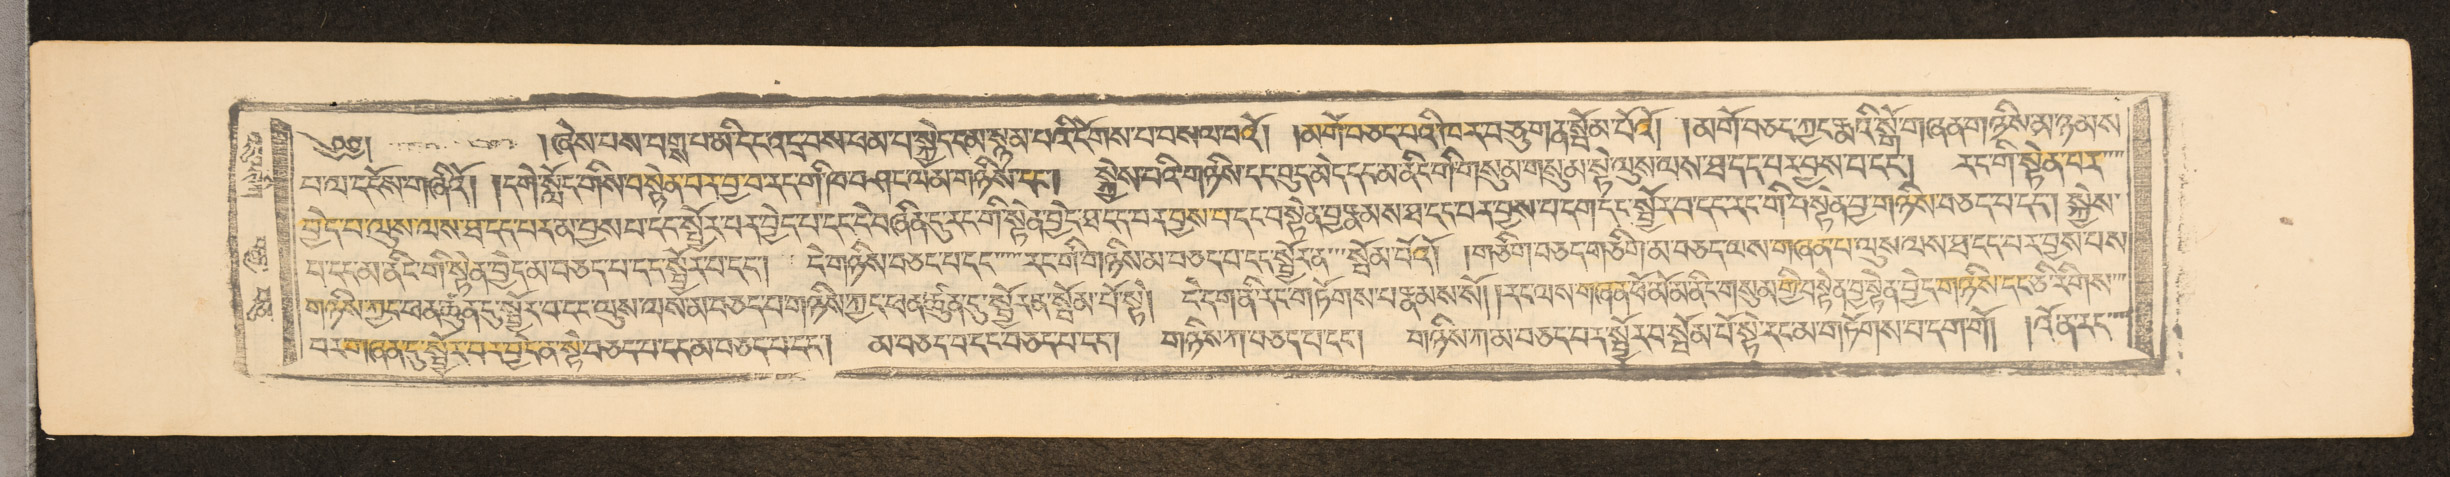༄༅། །ཞེས་པས་པགས་པ་མི་དང་འདྲ་བས་ཕམ་པ་སྐྱེད་དམ་སྙམ་པའི་དོགས་པ་བསལ་བའོ། །མགོ་བཅད་པའི་ཁར་བཅུག་ན་སྦོམ་པོའོ། །མགོ་བཅད་ཀྱང་རྨའི་སྒོ་གཞན་གཉིས་མ་ཉམས་
པ་ལ་དངོས་གཞིའོ། །དགེ་སློང་གིས་བསྟེན་པར་བྱ་བ་རང་གི་ཁ་བཤད་ལམ་གཉིས་དང་། སྐྱེས་པའི་གཉིས་དང་བུད་མེད་དང་མ་ནིང་གི་གསུམ་གསུམ་སྟེ་ལུས་ལས་ཐ་དད་པར་བྱས་པ་དང་། རང་གི་སྟེན་པར་
བྱེད་པ་ལུས་ལས་ཐ་དད་པར་མ་བྱས་པ་དང་སྦྱོར་པར་བྱེད་པ་དང་དེ་བཞིན་དུ་རང་གི་སྟེན་བྱེད་ཐ་དད་པར་བྱས་པ་དང་བསྟེན་བྱ་རྣམས་ཐ་དད་བར་བྱས་པ་དག་དང་སྦྱོར་བ་དང་རང་གི་བསྟེན་བྱ་གཉིས་བཅད་པ་དང་། སྐྱེས་
པ་དང་མ་ནིང་གི་སྟེན་བྱེད་མ་བཅད་པ་དང་སྦྱོར་བ་དང་། དེ་གཉིས་བཅད་པ་དང་རང་གི་གཉིས་མ་བཅད་པ་དང་སྦྱོར་ན་སྦོམ་པོའོ། །གཅིག་བཅང་གཅིག་མ་བཅད་ལས་གཞན་པ་ལུས་ལས་ཐ་དད་པར་བྱས་པས་
གཉིས་ཀྱང་ཕན་ཚུན་དུ་སྦྱོར་བ་དང་ལུས་ལས་མ་བཅད་པ་གཉིས་ཀྱང་ཕན་ཚུན་དུ་སྦྱོར་ན་སྦོམ་པོ་སྟེ། དེ་དག་ནི་རང་གཏོགས་པ་རྣམས་སོ། །རང་ལས་གཞན་ཕོ་མོ་མ་ནིང་གསུམ་གྱི་བསྟེན་བྱ་སྟེན་བྱེད་གཉིས་དང་ཅི་རིགས་
པར་གཞན་དུ་སྦྱོར་བར་བྱེད་ན་སྟེ་བཅད་པ་དང་མ་བཅད་པ་དང་། མ་བཅད་པ་དང་བཅད་པ་དང་། གཉིས་ཀ་བཅད་པ་དང་། གཉིས་ཀ་མ་བཅད་པར་སྦྱོར་བ་སྦོམ་པོ་སྟེ་རང་མ་གཏོགས་པ་དག་གོ། །འོ་ན་རང་